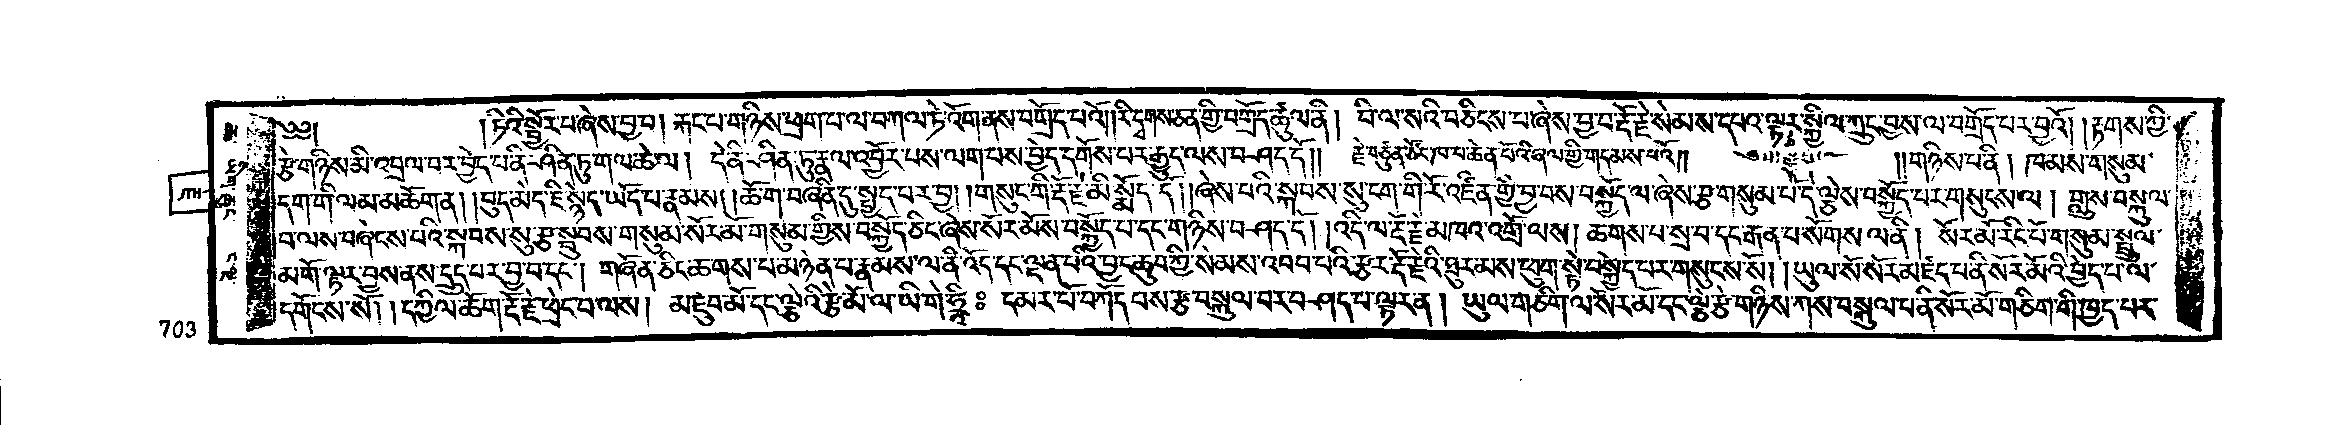༄༅། །ཏིའི་སྦྱོར་པ་ཞེས་བྱ་བ། རྐང་པ་གཉིས་ཕྲག་པ་ལ་བཀལ་ཏེ་འོག་ནས་བགྲོད་པའོ། །རི་དྭགས་ཅན་གྱི་བགྲོད་ཚུལ་ནི། བི་ལ་སའི་བཅིངས་པ་ཞེས་བྱ་བ་རྡོ་རྗེ་སེམས་དཔའ་ལྟར་སྐྱིལ་ཀྲུང་བྱས་ལ་བགྲོད་པར་བྱའོ། །རྟགས་ཀྱི་
རྩེ་གཉིས་མི་འབྲལ་བར་བྱེད་པ་ནི་ཤིན་ཏུ་གལ་ཆེ་ལ། དེ་ནི་ཤིན་ཏུ་རྣལ་འབྱོར་པས་ལག་པས་བྱེད་དགོས་པར་རྒྱུད་ལས་བཤད་དོ། ། རྗེ་བཙུན་ཙོང་ཁ་པ་ཆེན་པོའི་ཞལ་གྱི་གདམས་པའོ།།  ༈ །གཉིས་པ་ནི། ཁམས་གསུམ་
དག་གི་ལམ་མཆོག་ན། །བུད་མེད་ཇི་སྙེད་ཡོད་པ་རྣམས། །ཆོ་ག་བཞིན་དུ་སྤྱད་པར་བྱ། །གསུང་གི་རྡོ་རྗེ་མི་སྨོད་དོ། །ཞེས་པའི་སྐབས་སུ་ངག་གི་རོ་འཛིན་གྱི་བྱ་བས་བསྐྱོད་ལ་ཞེས་རྩ་གསུམ་པོ་དེ་ལྕེས་བསྐྱོད་པར་གསུངས་ལ། གླུས་བསྐུལ་
བ་ལས་བཞེངས་པའི་སྐབས་སུ་རྩ་སྦུབས་གསུམ་སོར་མོ་གསུམ་གྱིས་བསྐྱོད་ཅིང་ཞེས་སོར་མོས་བསྐྱོད་པ་དང་གཉིས་བཤད་དོ། །འདི་ལ་རྡོ་རྗེ་མཁའ་འགྲོ་ལས། ཆགས་པ་སྲ་བ་དང་རྒན་པ་སོགས་ལ་ནི། སོར་མོ་རིང་པོ་གསུམ་སྤྲུལ་
མགོ་ལྟར་བྱས་ནས་དྲུད་པར་བྱ་བ་དང་། གཞོན་ཅིང་ཆགས་པ་མཉེན་པ་རྣམས་ལ་ནི་འོད་དང་ལྡན་པའི་བྱང་ཆུབ་ཀྱི་སེམས་འབབ་པའི་རྩར་རྡོ་རྗེའི་ཐུར་མས་ཕུག་སྟེ་བསྐྱེད་པར་གསུངས་སོ། །ཡུལ་སོ་སོར་མཛད་པ་ནི་སོར་མོའི་བྱེད་པ་ལ་
དགོངས་སོ། །དཀྱིལ་ཆོག་རྡོ་རྗེ་ཕྲེང་བ་ལས། མཛུབ་མེ་དང་ལྕེའི་རྩེ་མོ་ལ་ཡི་གེ་ཧྲཱིཿ དམར་པོ་བཀོད་པ་རྩ་བསྐུལ་བར་བཤད་པ་ལྟར་ན། ཡུལ་གཅིག་ལ་སོར་མོ་དང་ལྕེ་རྩེ་གཉིས་ཀས་བསྐུལ་པ་ནི་སོར་མོ་གཅིག་གི་ཁྱད་པར་